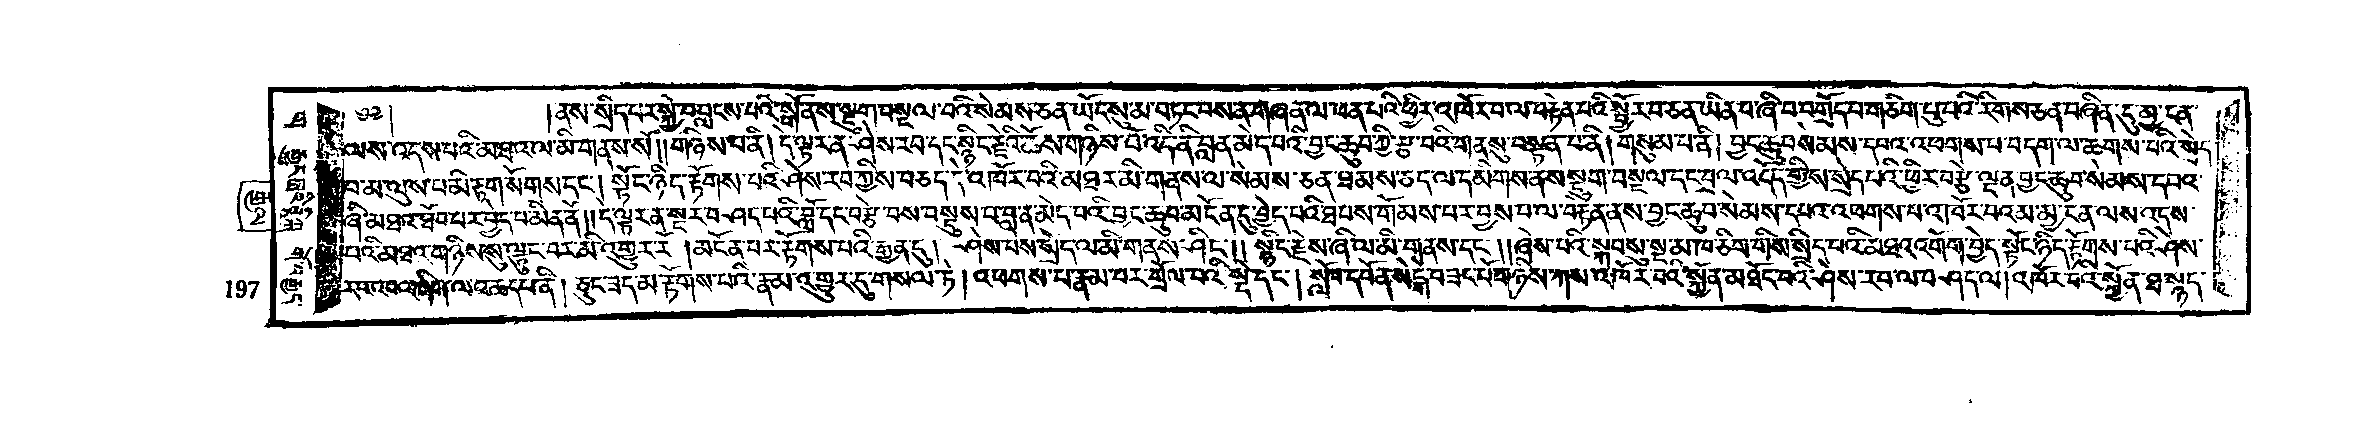༄༅། །ནས་སྲིད་པར་སྐྱེ་བ་བླངས་པའི་སྒོ་ནས་སྡུག་བསྔལ་བའི་སེམས་ཅན་ཡོངས་སུ་མ་བཏང་བས་ན་གཞན་ལ་ཕན་པའི་ཕྱིར་འཁོར་བ་ལ་བརྟེན་པའི་སྦྱོར་བ་ཅན་ཡིན་པ་ཞི་བ་བགྲོད་པ་གཅིག་པུ་བའི་རིགས་ཅན་བཞིན་དུ་མྱང་ངན་
ལས་འདས་པའི་མཐའ་ལ་མི་གནས་སོ། །གཉིས་པ་ནི། དེ་ལྟར་ན་ཤེས་རབ་དང་སྙིང་རྗེའི་ཆོས་གཉིས་པོ་འདི་ནི་བླ་ན་མེད་པའི་བྱང་ཆུབ་ཀྱི་རྩ་བའི་གནས་སུ་བསྟན་པ་ནི། གསུམ་པ་ནི། བྱང་ཆུབ་སེམས་དཔའ་འཕགས་པ་བདག་ལ་ཆགས་པའི་སྲེད་
པ་མ་ལུས་པ་མི་རྟག་སོགས་དང་། སྟོང་ཉིད་རྟོགས་པའི་ཤེས་རབ་ཀྱིས་བཅད་དེ་འཁོར་བའི་མཐར་མི་གནས་ལ་སེམས་ཅན་ཐམས་ཅད་ལ་དམིགས་ནས་སྡུག་བསྔལ་དང་བྲལ་འདོད་གྱིས་སྲེད་པའི་ཕྱིར་བརྩེ་ལྡན་བྱང་ཆུབ་སེམས་དཔའ་
ཞི་མཐའ་ཐོབ་པར་བྱེད་པ་མིན་ནོ། །དེ་ལྟར་ན་སྔར་བཤད་པའི་བློ་དང་བརྩེ་བས་བསྡུས་པ་བླ་ན་མེད་པའི་བྱང་ཆུབ་མངོན་དུ་བྱེད་པའི་ཐབས་གོམས་པར་བྱས་པ་ལ་བརྟེན་ནས་བྱང་ཆུབ་སེམས་དཔའ་འཕགས་པ་འཁོར་བའམ་མྱ་ངན་ལས་འདས་
པའི་མཐའ་གཉིས་སུ་ལྟུང་བར་མི་འགྱུར་རོ། མངོན་པར་རྟོགས་པའི་རྒྱན་དུ། ཤེས་པས་སྲེད་ལ་མི་གནས་ཤིང་། །སྙིང་རྗེས་ཞི་ལ་མི་གནས་དང་། །ཞེས་པའི་སྐབས་སུ་སྔ་མ་ཁ་ཅིག་གིས་སྲིད་པའི་མཐའ་འགོག་བྱེད་སྟོང་ཉིད་རྟོགས་པའི་ཤེས་
རབ་འབའ་ཞིག་ལ་འཆད་པ་ནི། ཅུང་ཟད་མ་རྟོགས་པའི་རྣམ་འགྱུར་དུ་གསལ་ཏེ། འཕགས་པ་རྣམ་པར་གྲོལ་བའི་སྡེ་དང་། སློབ་དཔོན་སེངགེ་བཟང་པོ་གཉིས་ཀས་འཁོར་བའི་སྐྱོན་མཐོང་བའི་ཤེས་རབ་ལ་བཤད་ལ། འཁོར་བའི་སྐྱོན་ཐ་སྙད་